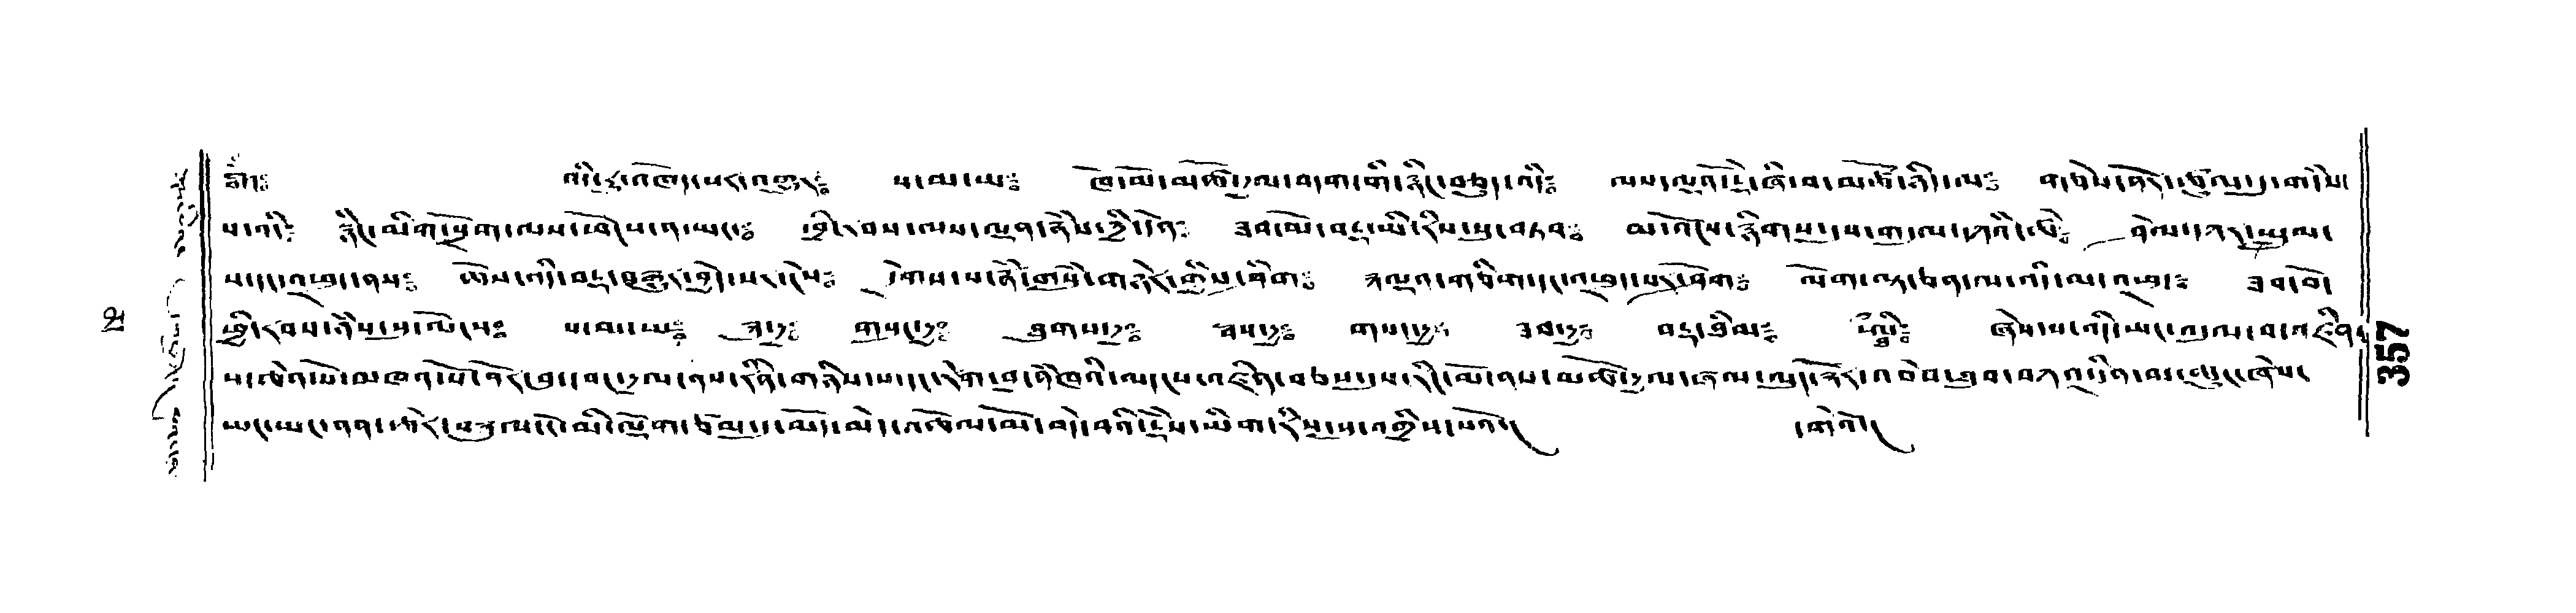འདི་རུ་འཁོད་པར་འགྱུར༔ ས་མ་ཡ༔ ཁོ་མོ་མཚོ་རྒྱལ་བདག་གི་སྙིང་བཅུད་འདི༔ ལས་ལྡན་རྡོ་རྗེ་ཞི་བ་མཚོ་ཉིད་ལ༔ གཅེས་ནོར་ཚུལ་དུ་གདམས་
པ་འདི༔ སྙིང་མིག་སྲོག་ལས་ཕོངས་ན་ཡང༔ ཕྱི་རབས་ལས་ལྡན་རྣམས་ཀྱི་དོན༔ ཟབ་མོ་བརྡ་ཡི་རིས་སུ་བཏབ༔ མ་འོངས་སྙིགས་དུས་གདུལ་དཀའི་ཚེ༔ ཤེལ་དཀར་སྤྲུལ་
པ་དང་འཕྲད་ནས༔ ཆོས་འདི་བརྡ་བསྒྱུར་བྱེད་པར་ངེས༔ དྲེགས་པ་རྣམ་གསུམ་གཉེར་གྱིས་ཤིག༔ སྐལ་ལྡན་གཅིག་དང་འཕྲད་པར་ཤོག༔ ལོག་ལྟ་ཅན་ལ་འདི་མ་འཕྲད༔ ཟབ་བོ་
ཕྱི་རབས་ཉམས་སུ་ལོངས༔ ས་མ་ཡ༔ སྐུ་རྒྱ༔ གསུང་རྒྱ༔ ཐུགས་རྒྱ༔ སྦས་རྒྱ༔ གསང་རྒྱ༔ ཟབ་རྒྱ༔ བརྡ་ཐིམ༔ ༔ ཞེས་པ་འདི་ཡང་འདུལ་བ་འཛིན་
པ་ཆེན་པོ་མཁན་པོ་ནོར་བུ་དབང་རྒྱལ་ནས་རིན་ཆེན་གཉིས་པ་དང་རེག་བྱ་ནམ་མཁའི་མདངས་འཛིན་བཅས་དུས་རིག་མོ་ནས་མཚོ་རྒྱལ་ཞལ་ལུང་སྐོར་འབེབ་ཐུབ་བཀའ་དྲིན་མ་ཆུང་ཞེས་
ཡང་ཡང་ནན་ཆེར་བསྐུལ་ངོ་མ་ལྡོག་ཙམ་དུ་མདོ་མེད་འཆོལ་མོ་བདེ་བའི་རྡོ་རྗེའི་ཡིག་རིས་སུ་བགྱིས་པའོ།།དགེའོ།།